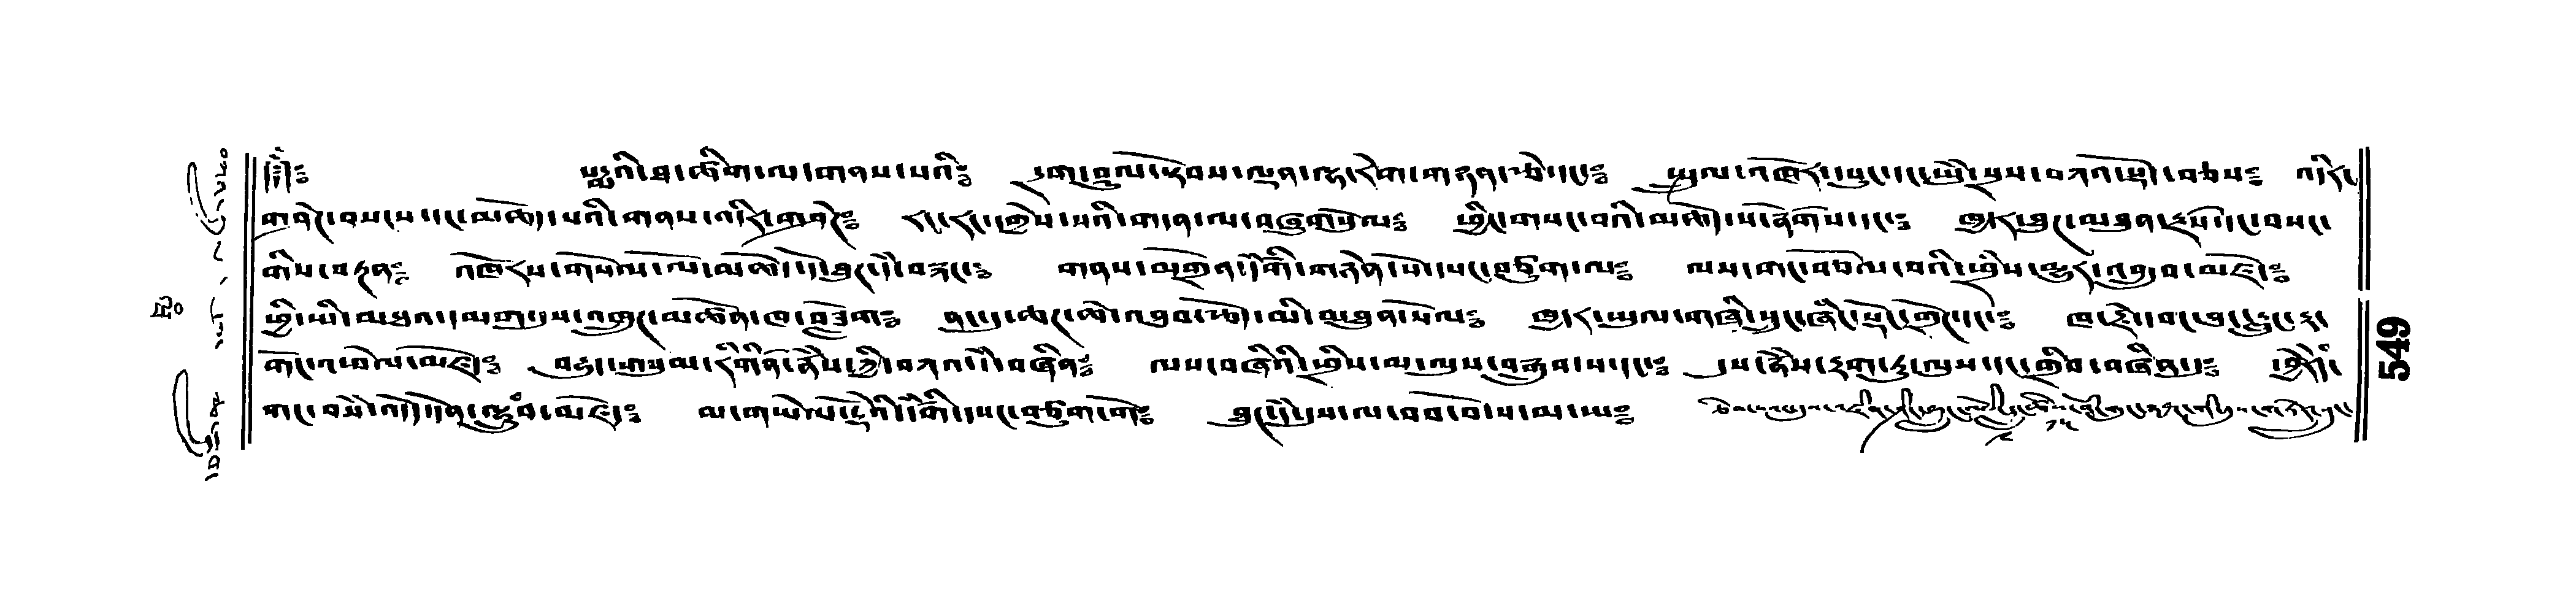པདྨའི་ཐ་ཚིག་ལ་གནས་པའི༔ དྲག་ཤུལ་སྟོབས་ལྡན་ལྷ་རེག་གཉན་རྩེ་དང༔ སྤྲུལ་འཁོར་དཔུང་དང་ཡུམ་སྲས་བཀའ་སྡོད་བཅས༔ འདིར་
གཤེགས་བསངས་དང་མཆོད་པའི་གནས་འདིར་གཤེགས༔ རང་རང་དགྱེས་པའི་གདན་ལ་བཞུགས་སུ་གསོལ༔ ཕྱི་ནང་གསང་བའི་མཆོད་པ་སྣ་ཚོགས་དང༔ ཁྱད་པར་ཐུགས་མཐུན་རྫས་དང་བསང་
གིས་བརྔན༔ འཁོར་འདས་གསོལ་ལོ་མཆོད་དོ་ཐུགས་དམ་བསྐང༔གནས་མགྲོན་དམ་ཚིག་གཉེན་པོ་དཔང་བཙུགས་ལ༔ ལས་གང་བཅོལ་བའི་ཕྲིན་ལས་མྱུར་འགྲུབ་མཛོད༔ 
ཕྱི་ཡི་མཐའ་དམག་དུས་འཁྲུགས་མཚོན་ཁ་བཟློག༔ ནང་དུ་ཆགས་ཆེ་འཐབ་རྩོད་མི་མཐུན་སོལ༔ ཁྱད་པར་ཡུལ་གཞི་སྲུང་ཞིང་སྡོང་གྲོགས་དང༔ ཁ་རྗེ་དབང་ཐང་རླུང་རྟ་
གོང་འཕེལ་མཛོད༔ བརྒྱུད་གསུམ་རིག་འཛིན་རྣམས་ཀྱི་བཀའ་དམ་བཞིན༔ ལས་བཞིའི་ཕྲིན་ལས་མ་ལུས་བསྒྲུབ་པ་དང༔ དུས་རྣམས་རྟག་ཏུ་ལུས་དང་གྲིབ་བཞིན་དུ༔ དབྱེར་མེད་
གང་བསམ་འདོད་དོན་ལྷུན་གྲུབ་མཛོད༔ མ་གཡེལ་རྡོ་རྗེའི་དམ་ཚིག་དཔང་བཙུག་གོ༔ ཐུགས་དམ་དུས་ལ་བབ་བོ་ས་མ་ཡ༔ ཞེས་པའང་དུས་འཛིན་ཤིང་གླང་ལོའི་ཟླ་༩ཚེས་༡༥ནམ་གུང་ཉག་གི་དུས་གཏེར་སྲུང་